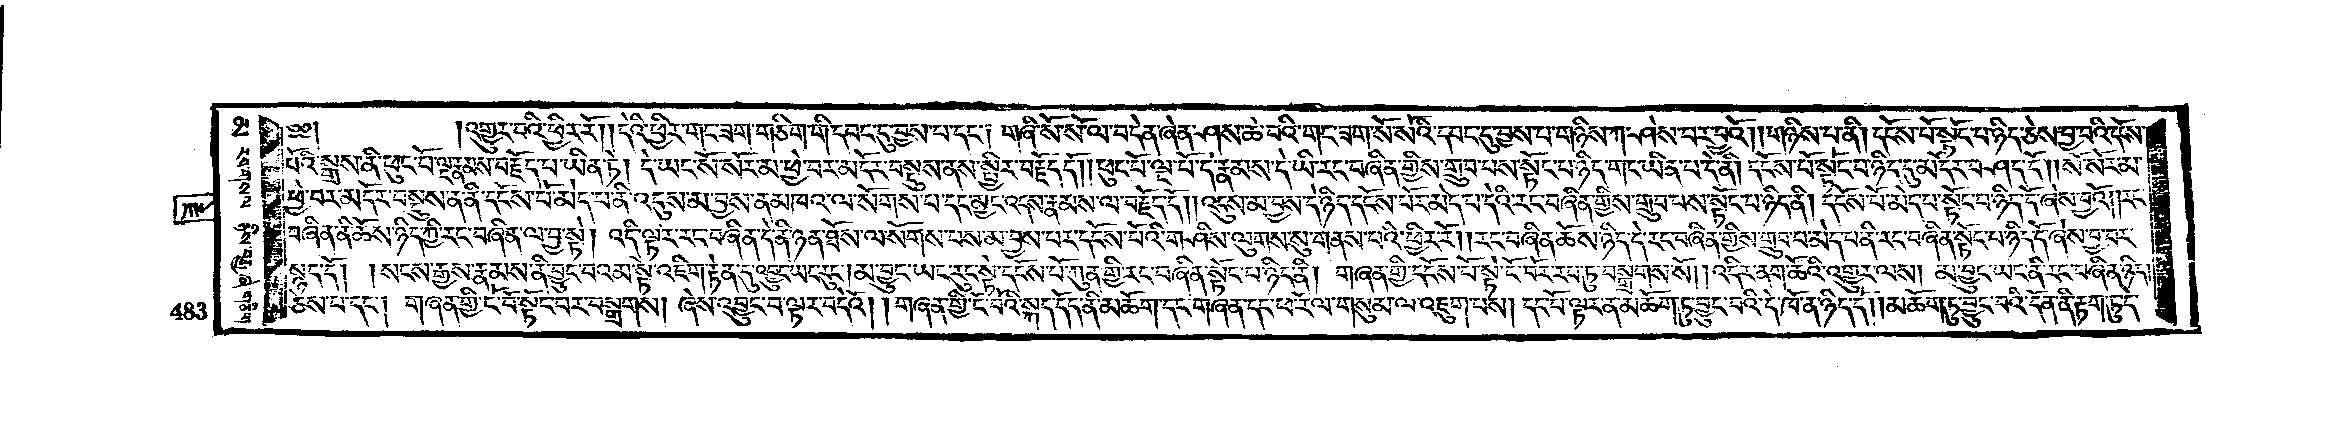༄༅། །འགྱུར་བའི་ཕྱིར་རོ། །དེའི་ཕྱིར་གང་ཟག་གཅིག་གི་དབང་དུ་བྱས་པ་དང་། གཞི་སོ་སོ་ལ་བདེན་ཞེན་ཤེས་ཆེ་བའི་གང་ཟག་སོ་སོའི་དབང་དུ་བྱས་པ་གཉིས་ཀ་ཤེས་པར་བྱའོ། །གཉིས་པ་ནི། དངོས་པོ་སྟོང་པ་ཉིད་ཅེས་བྱ་བའི་དངོས་
པོའི་སྒྲས་ནི་ཕུང་པོ་ལྔ་རྣམས་བརྗོད་པ་ཡིན་ཏེ། དེ་ཡང་སོ་སོར་མ་ཕྱེ་བར་མདོར་བསྡུས་ནས་སྤྱིར་བརྗོད་དོ། །ཕུང་པོ་ལྔ་པོ་དེ་རྣམས་དེ་ཡི་རང་བཞིན་གྱིས་གྲུབ་པས་སྟོང་པ་ཉིད་གང་ཡིན་པ་དེ་ནི། དངོས་པོ་སྟོང་པ་ཉིད་དུ་མདོར་བཤད་དོ། །སོ་སོར་མ་
ཕྱེ་བར་མདོར་བསྡུས་ན་ནི་དངོས་པོ་མེད་པ་ནི་འདུས་མ་བྱས་ནམ་མཁའ་ལ་སོགས་པ་དང་མྱང་འདས་རྣམས་ལ་བརྗོད་དོ། །འདུས་མ་བྱས་དེ་ཉིད་དངོས་པོར་མེད་པ་དེའི་རང་བཞིན་གྱིས་གྲུབ་པས་སྟོང་པ་ཉིད་ནི། དངོས་པོ་མེད་པ་སྟོང་པ་ཉིད་དོ་ཞེས་བྱའོ། །རང་
བཞིན་ནི་ཆོས་ཉིད་ཀྱི་རང་བཞིན་ལ་བྱ་སྟེ། འདི་ལྟར་རང་བཞིན་དེ་ནི་ཉན་ཐོས་ལ་སོགས་པས་མ་བྱས་པར་དངོས་པོའི་གཤིས་ལུགས་སུ་གནས་པའི་ཕྱིར་རོ། །རང་བཞིན་ཆོས་ཉིད་དེ་རང་བཞིན་གྱིས་གྲུབ་པ་མེད་པ་ནི་རང་བཞིན་སྟོང་པ་ཉིད་དོ་ཞེས་བྱ་བར་
སྙད་དོ། །སངས་རྒྱས་རྣམས་ནི་བྱུང་བའམ་སྟེ་འཇིག་རྟེན་དུ་འབྱུང་ཡང་རུང་། མ་བྱུང་ཡང་རུང་སྟེ་དངོས་པོ་ཀུན་གྱི་རང་བཞིན་སྟོང་པ་ཉིད་ནི། གཞན་གྱི་དངོས་པོ་སྟེ་ངོ་བོར་རབ་ཏུ་བསྒྲགས་སོ། །འདིར་ནག་ཚོའི་འགྱུར་ལས། མ་བྱུང་ཡང་ནི་རང་བཞིན་ཉིད།
ཅེས་པ་དང་། གཞན་གྱི་ངོ་བོ་སྟོང་པར་བསྒྲགས། ཞེས་འབྱུང་བ་ལྟར་བདེའོ། །གཞན་གྱི་ངོ་བོའི་སྐད་དོད་ནི་མཆོག་དང་གཞན་དང་ཕ་རོལ་གསུམ་ལ་འཇུག་པས། དང་པོ་ལྟར་ན་མཆོག་ཏུ་བྱུང་བའི་དེ་ཁོ་ན་ཉིད་དོ། །མཆོག་ཏུ་བྱུང་བའི་དོན་ནི་རྟག་ཏུ་དེ་